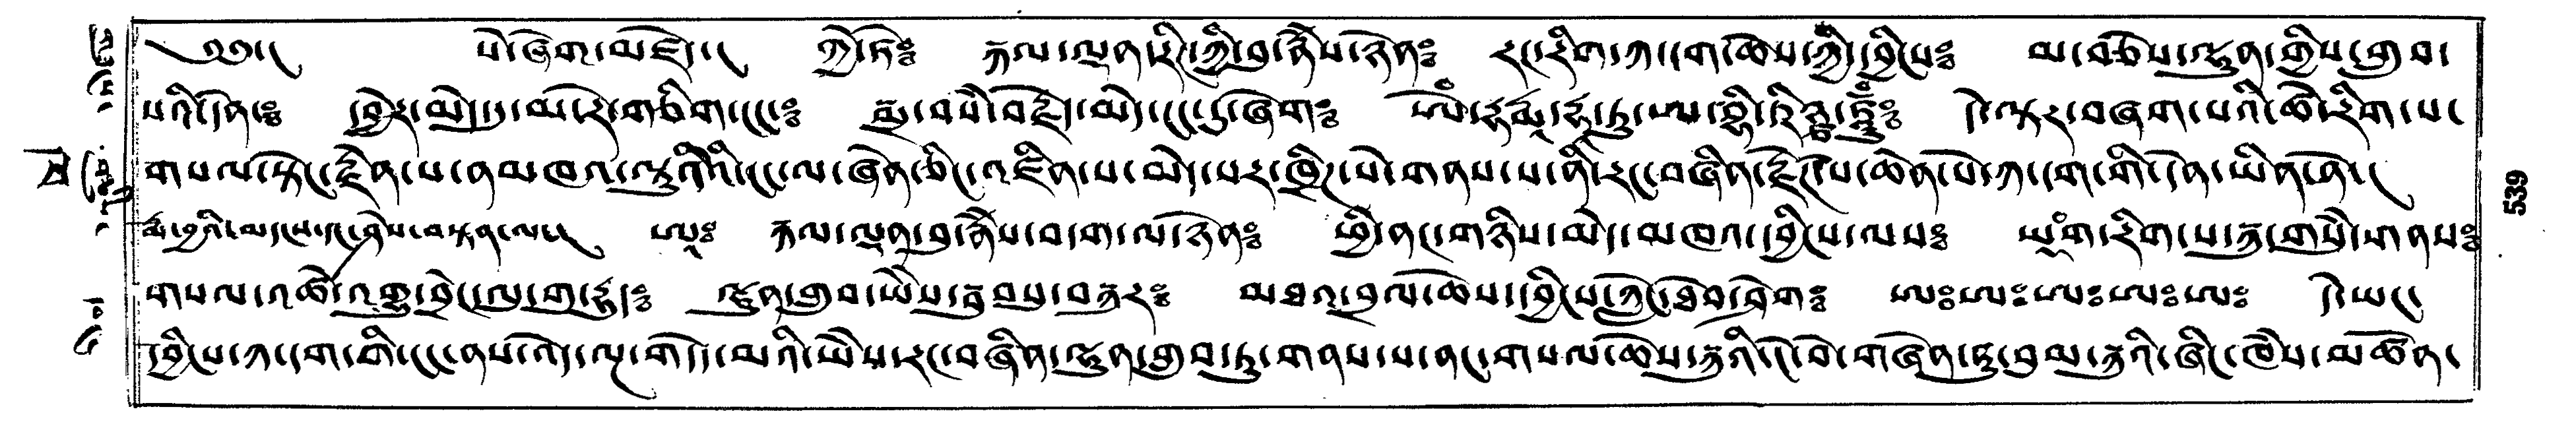སེ་ཞོག་མཛོད། ཀྱེ་ཧོ༔ སྐལ་ལྡན་རིགས་ཀྱི་བུ་རྣམས་ཉོན༔ རང་རིག་ཀ་དག་ཆོས་ཀྱི་དབྱིངས༔ མ་བཅོས་ལྷུན་གྱིས་གྲུབ་
པའི་དོན༔ དབྱེར་མེད་དུ་མ་རོ་གཅིག་ངང༔ སྨྲ་བསམ་བརྗོད་མེད་ངང་དུ་ཞོག༔ ཨོཾ་དྷརྨ་དྷ་ཏུ་ཨ་བྷི་རིཉྩ་ཧཱུྃ༔ དེ་ལྟར་བཞག་པའི་ཚེ་རིག་པ་
གསལ་སྟོང་རྗེན་པ་ནམ་མཁའ་ལྟ་བུའི་ངང་ལ་ཞེན་ཅིང་འཛིན་པ་མེད་པར་ཁྲིགས་སེ་གནས་པ་ནི་རང་བཞིན་རྫོགས་ཆེན་པོ་ཀ་དག་གི་དོན་ཡིན་ནོ།། 
རྨ་བྱའི་མདངས་དང་ཤེལ་བསྟན་ལ། ཨཱཿ སྐལ་ལྡན་བུ་རྣམས་བདག་ལ་ཉོན༔ ཕྱི་ནང་གཉིས་མེད་མཁའ་དབྱིངས་ལས༔ ཡན་ལག་རིག་པ་སྐུ་གསུམ་གནས༔ 
གསལ་འཚེར་འགྱུ་བྲེང་ལུ་གུ་རྒྱུད༔ ལྷུན་གྲུབ་ཡེ་ཤེས་སྦུབས་སུ་བསྐུར༔ མཐའ་བྲལ་ཆོས་དབྱིངས་ཀློང་ཐོབ་ཤོག༔ ཨཱཿཨཱཿཨཱཿཨཱཿཨཱཿ དེ་ཡང་
དབྱིངས་ཀ་དག་གི་ངག་ནས་འོད་ལྔ་གདོད་མའི་ཡེ་ཤེས་རང་བཞིན་ལྷུན་གྲུབ་ཏུ་གནས་པ་ནང་གསལ་ཆོས་སྐུའི་ངོ་བོ་གཞོན་ནུ་བུམ་སྐུའི་ཞིང་ཁམས་མཚོན་